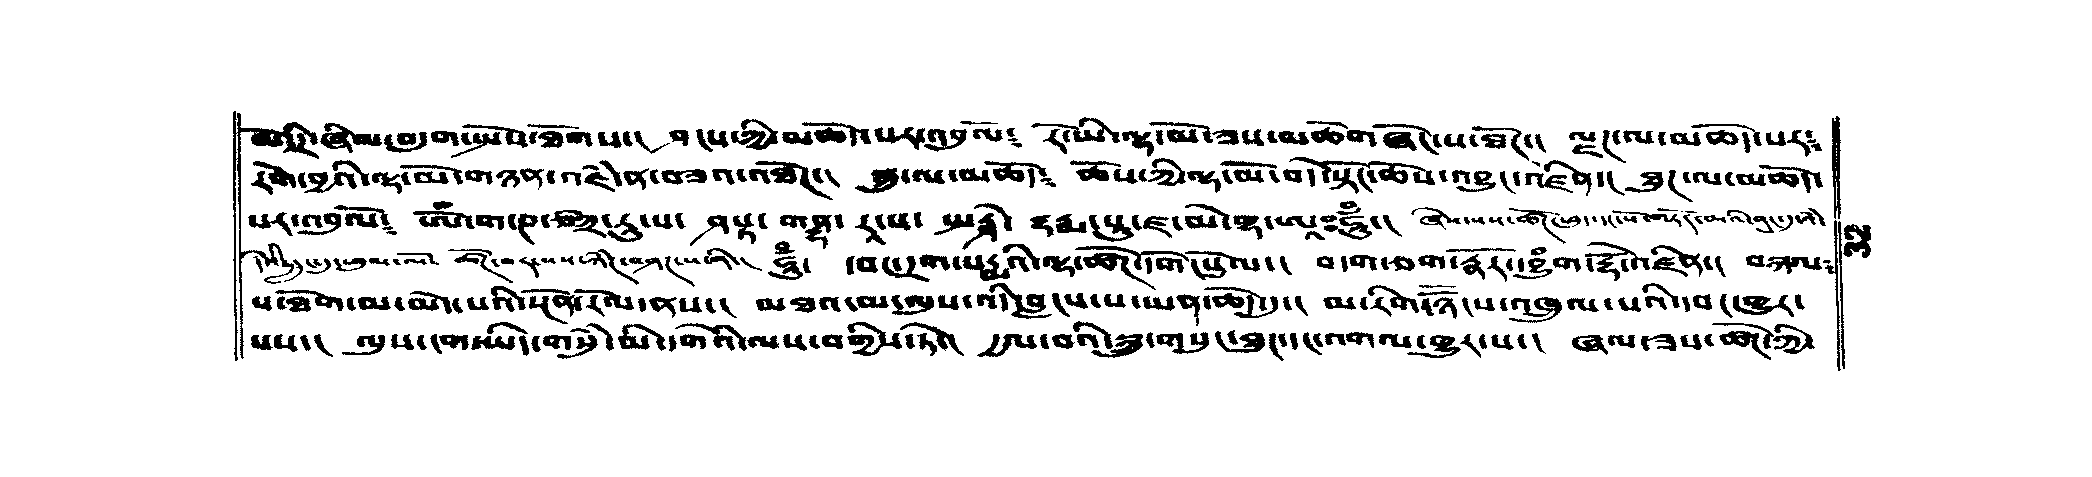མོ་དྲི་ཞིམ་བདུག་སྤོས་ཐོགས། །ཤངས་ཀྱི་མཆོད་པར་འབུལ་ལོ༴ རོ་ཡི་ལྷ་མོ་ཟས་མཆོག་ཞོང་པ་ཐོགས། ལྗགས་ལ་མཆོད་པར་༴ 
རེག་བྱའི་ལྷ་མོ་གཉན་འཇམ་ན་བཟའ་འཐོགས། །སྐུ་ལ་མཆོད་༴ ཆོས་ཀྱི་ལྷ་མོ་བདེ་སྟོང་ཆོས་འབྱུང་འཛིན། །ཐུགས་ལ་མཆོད་
པར་འབུལ་ལོ་༴ ཨོྃ་གྷ་ཎ་ཙཀྲ་རཱུ་པ། གནྡྷ། རཱ་ས། སྤརྴེ། དྷརྨ་པཱུ་ཛ་མེ་གྷ་ཨཱཿཧཱུྃ། ཞེས་པས་ཚོགས་ཕུད་དང་པོ་གཏོར་མའི་ནང་དུའམ་
དེའི་དྲུང་དུ་ཕུལ་ལོ། ཚོགས་བར་སས་ཉམས་བཤགས་པ་ནི། ཧཱུྃ། དབང་དྲག་པདྨའི་ལྷ་ཚོགས་དགོངས་སུ་གསོལ། །བདག་ཅག་རྣལ་འབྱོར་དབང་ཕྱུག་རྡོ་རྗེ་འཛིན། །བསྐལ་
པ་ཐོག་མ་མེད་པའི་སྔོན་རོལ་ནས། །མཐའ་མ་ལུས་འདི་བླངས་པ་ཡན་ཆོད་དུ། །མ་རིག་ཉོན་མོངས་འཁྲུལ་པའི་དབང་གྱུར་
པས། །ལུས་ངག་ཡིད་གསུམ་མི་དགེའི་ལས་བགྱིས་ཏེ།། རྒྱལ་བའི་སྐུ་གསུང་ཐུགས་དང་འགལ་གྱུར་པ། །ཞལ་ཟས་ཚོགས་ཀྱི་